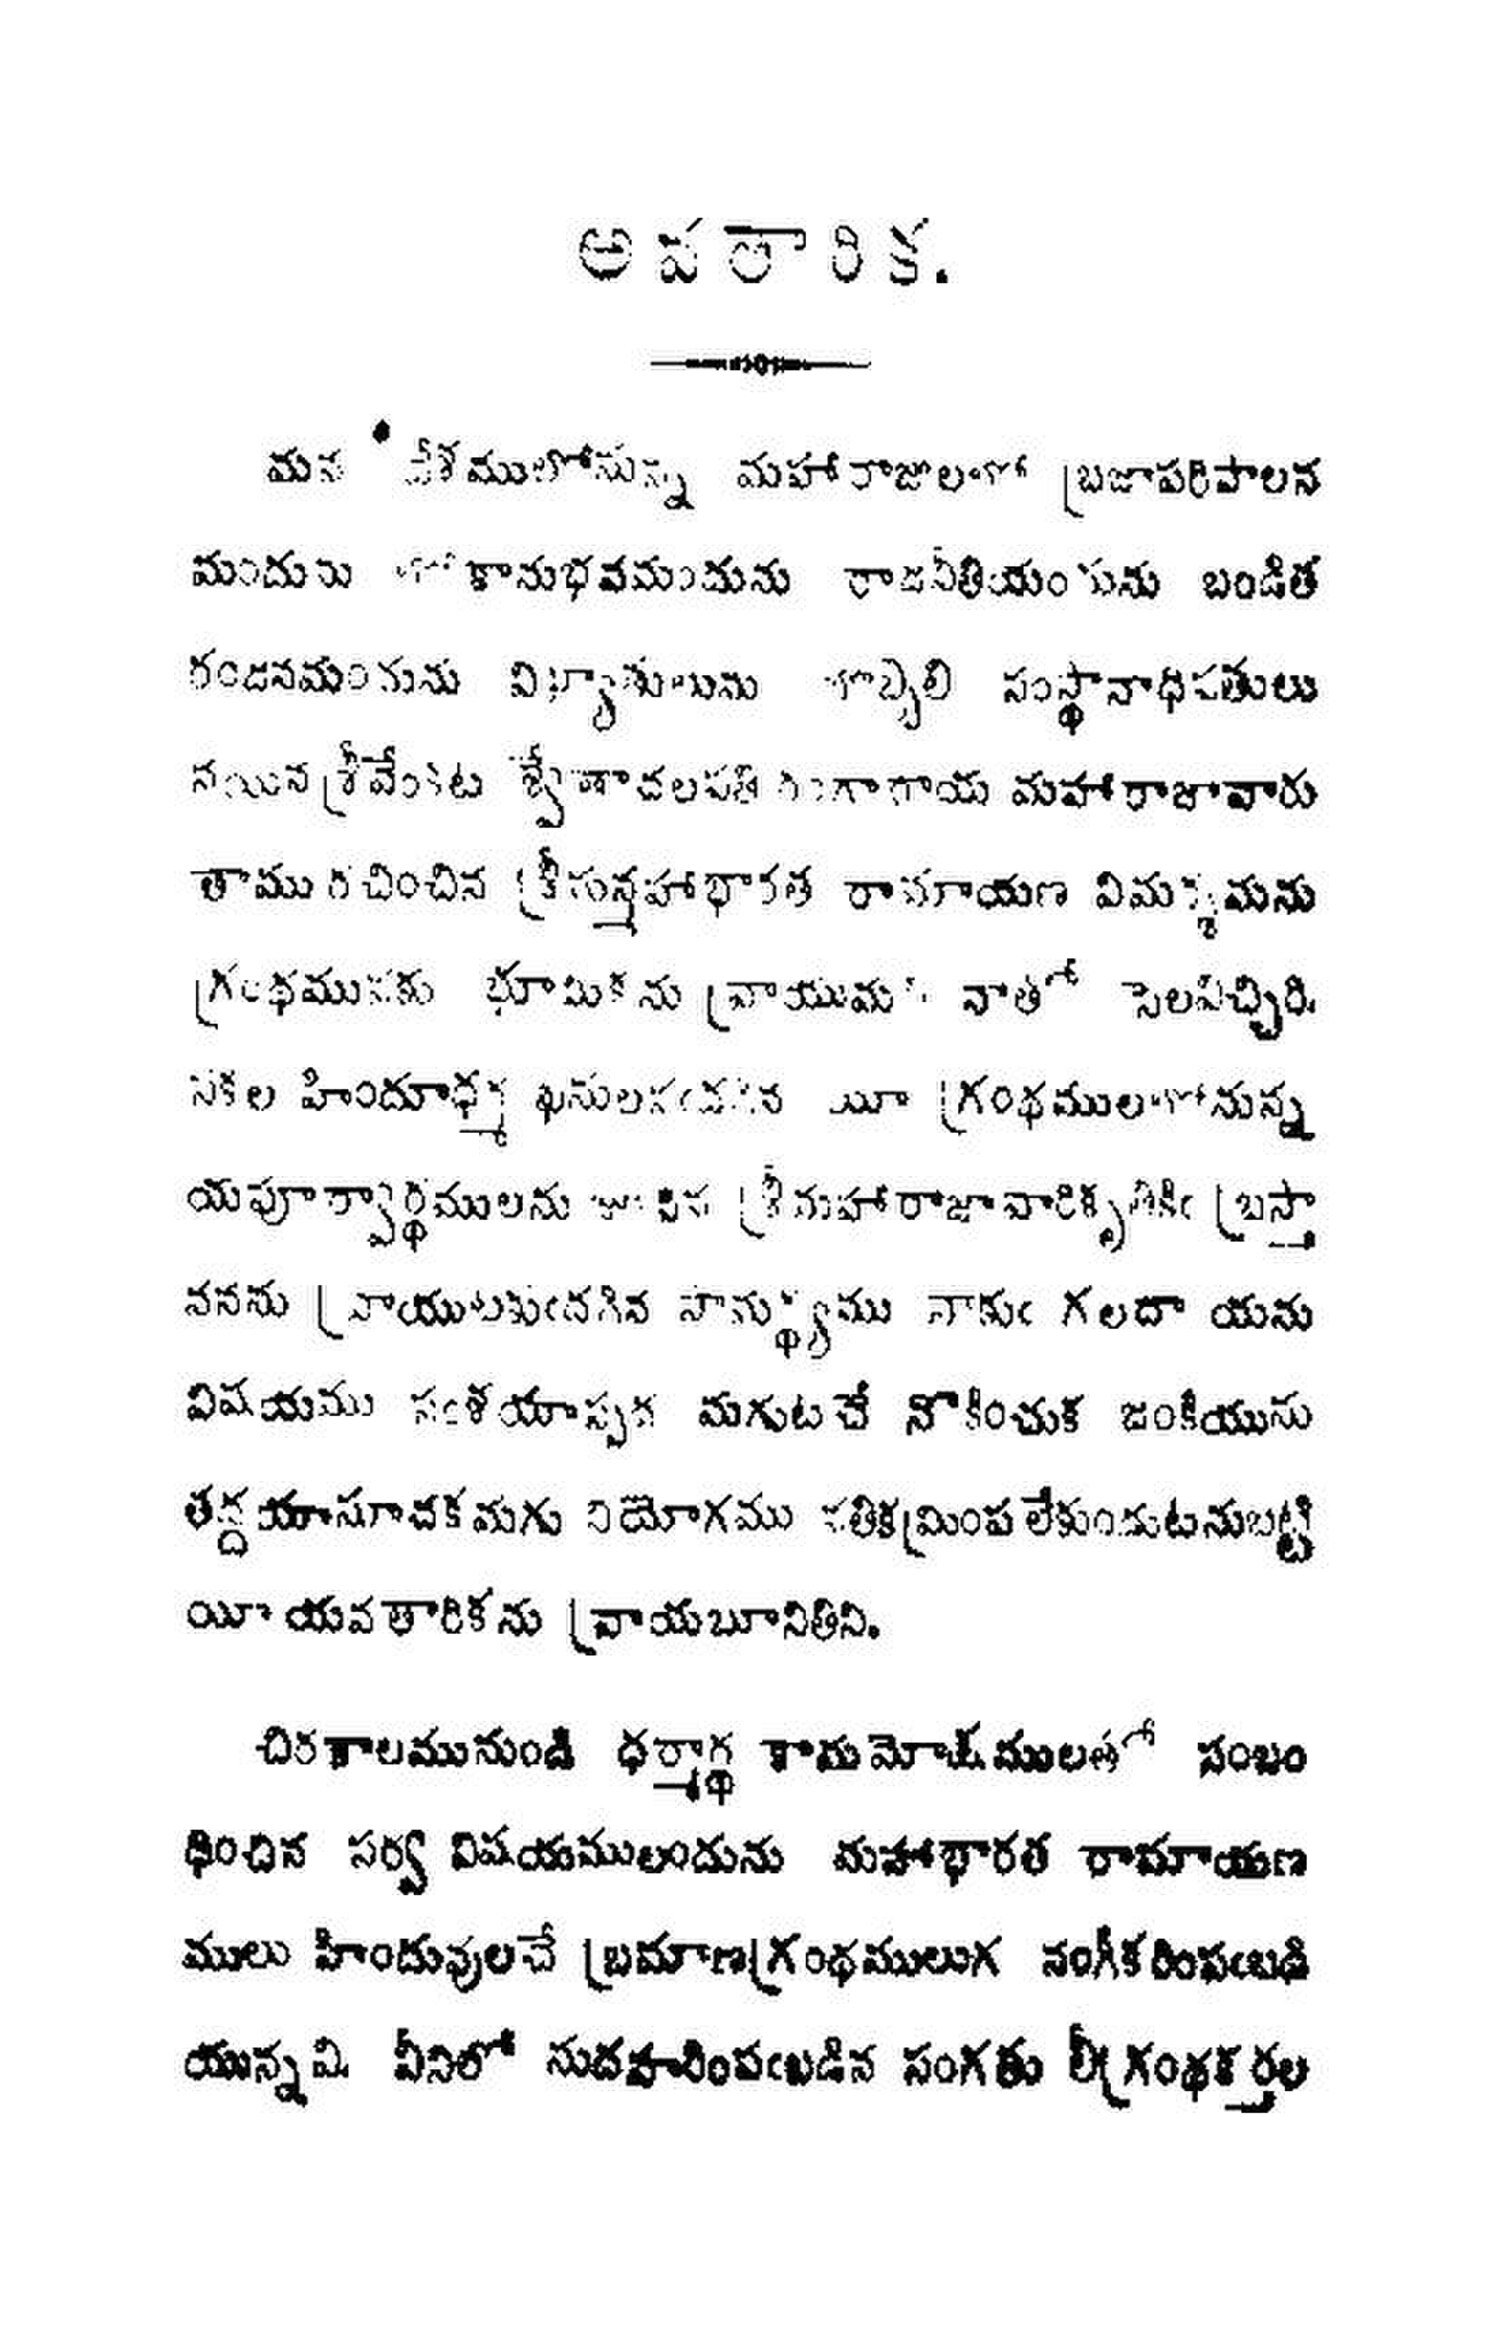అవతారిక.

మన దేశములోనున్న మహారాజులలో బ్రజాపరిపాలన మందును లోకానుభవమందును రాజనీతియందును బండిత రంజనమందును విఖ్యాతులును బొబ్బిలి సంస్థానాధిపతులు నయిన శ్రీవేంకట శ్వేతాచలపతిరంగారాయ మహారాజావారు తాము రచించిన శ్రీమన్మహాభరత రామాయణ విమర్శనమను గ్రంథమునకు భూమికను వ్రాయుమని నాతో సెలవిచ్చిరి. సకల హిందూధర్మ ఖనులనఁదగిన యీ గ్రంథములలోనున్న యపూర్వార్థములను జూపిన శ్రీమహారాజావారికృతికిఁ బ్రస్తాననను వ్రాయుటకుఁదగిన సామర్థ్యము నాకుఁ గలదా యను విషయము సంశయాస్పద మగుటచే నొకించుక జంకియును తద్దయాసూచకమగు నియోగము నతిక్రమింపలేకుండటనుబట్టి యీ యవతారికను వ్రాయబూనితిని.

చిరకాలమునుండి ధర్మార్థ కామమోక్షములతో సంబంధించిన సర్వ విషయములందును మహాభారత రామాయణములు హిందువులచే బ్రమాణగ్రంథములుగ నంగీకరింపఁబడి యున్నవి. వీనిలో నుదహరింపఁబడిన సంగతు లీగ్రంథకర్తల